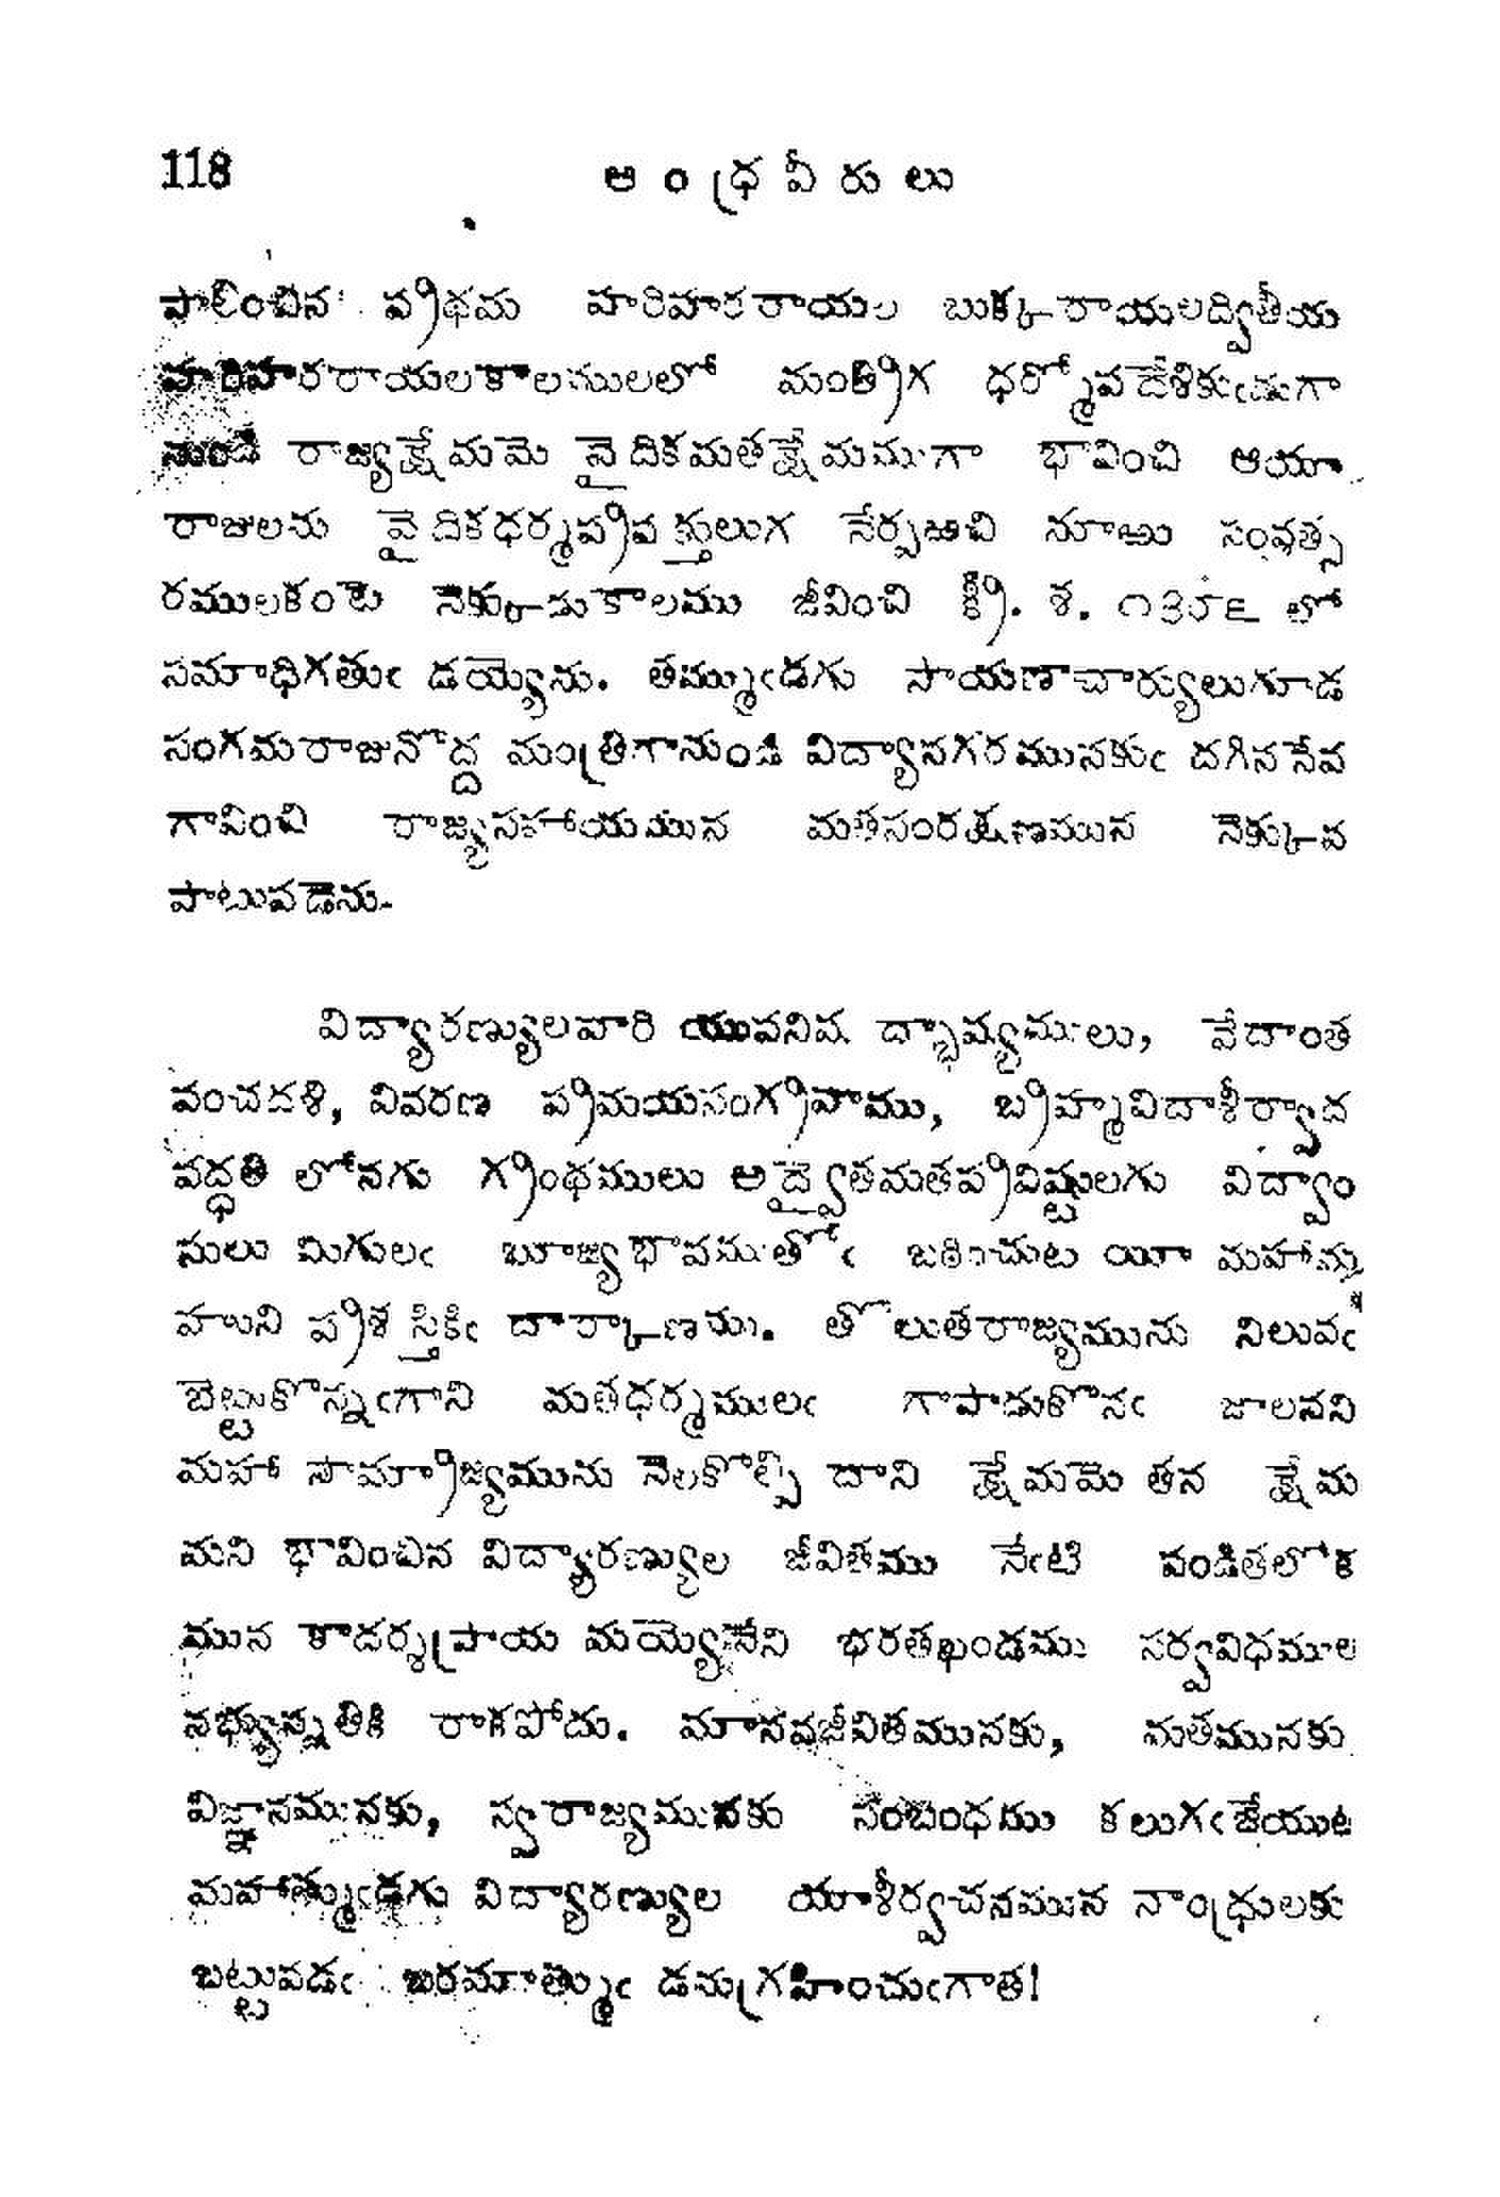పాలించిన ప్రథమ హరిహరరాయల బుక్కరాయలద్వితీయ హరిహరరాయల కాలములలో మంత్రిగ ధర్మోపదేశికుడుగా నుండి రాజ్యక్షేమమె వైదికమతక్షేమముగా భావించి ఆయారాజులను వైదికధర్మప్రపక్తులుగ నేర్పఱచి నూఱు సంవత్సరములకంటె నెక్కుడుకాలము జీవించి క్రీ.శ. 1386 లో సమాధిగతు డయ్యెను. తమ్ముడగు సాయణాచార్యులుగూడ సంగమరాజు నొద్ద మంత్రిగానుండి విద్యానగరమునకు దగినసేవ గావించి రాజ్యసహాయమున మతసంరక్షణమున నెక్కువ పాటుపడెను.

విద్యారణ్యులవారి యుపనిష ద్భాష్యములు, వేదాంత పంచదశి, వివరణ ప్రమయసంగ్రహము, బ్రహ్మవిదాశీర్వాద పద్ధతి లోనగు గ్రంథములు అద్వైతమతప్రవిష్టులగు విద్వాంసులు మిగుల బూజ్యభావముతో బఠించుట యీ మహామహుని ప్రశస్తికి దార్కాణము. తొలుత రాజ్యమును నిలువ బెట్టుకొన్నగాని మతధర్మముల గాపాడుకొన జాలవని మహా సామ్రాజ్యమును నెలకొల్పి దాని క్షేమమె తన క్షేమమని భావించిన విద్యారణ్యుల జీవితము నేటి పండితలోకమున కాదర్శప్రాయ మయ్యెనేని భరతఖండము సర్వవిధముల నభ్యున్నతికి రాకపోదు. మానవజీవితమునకు, మతమునకు విజ్ఞానమునకు, స్వరాజ్యమునకు సంబంధము కలుగజేయుట మహాత్ముడగు విద్యారణ్యుల యాశీర్వచనమున నాంధ్రులకు బట్టువడ బరమాత్ము డనుగ్రంచుగాత!